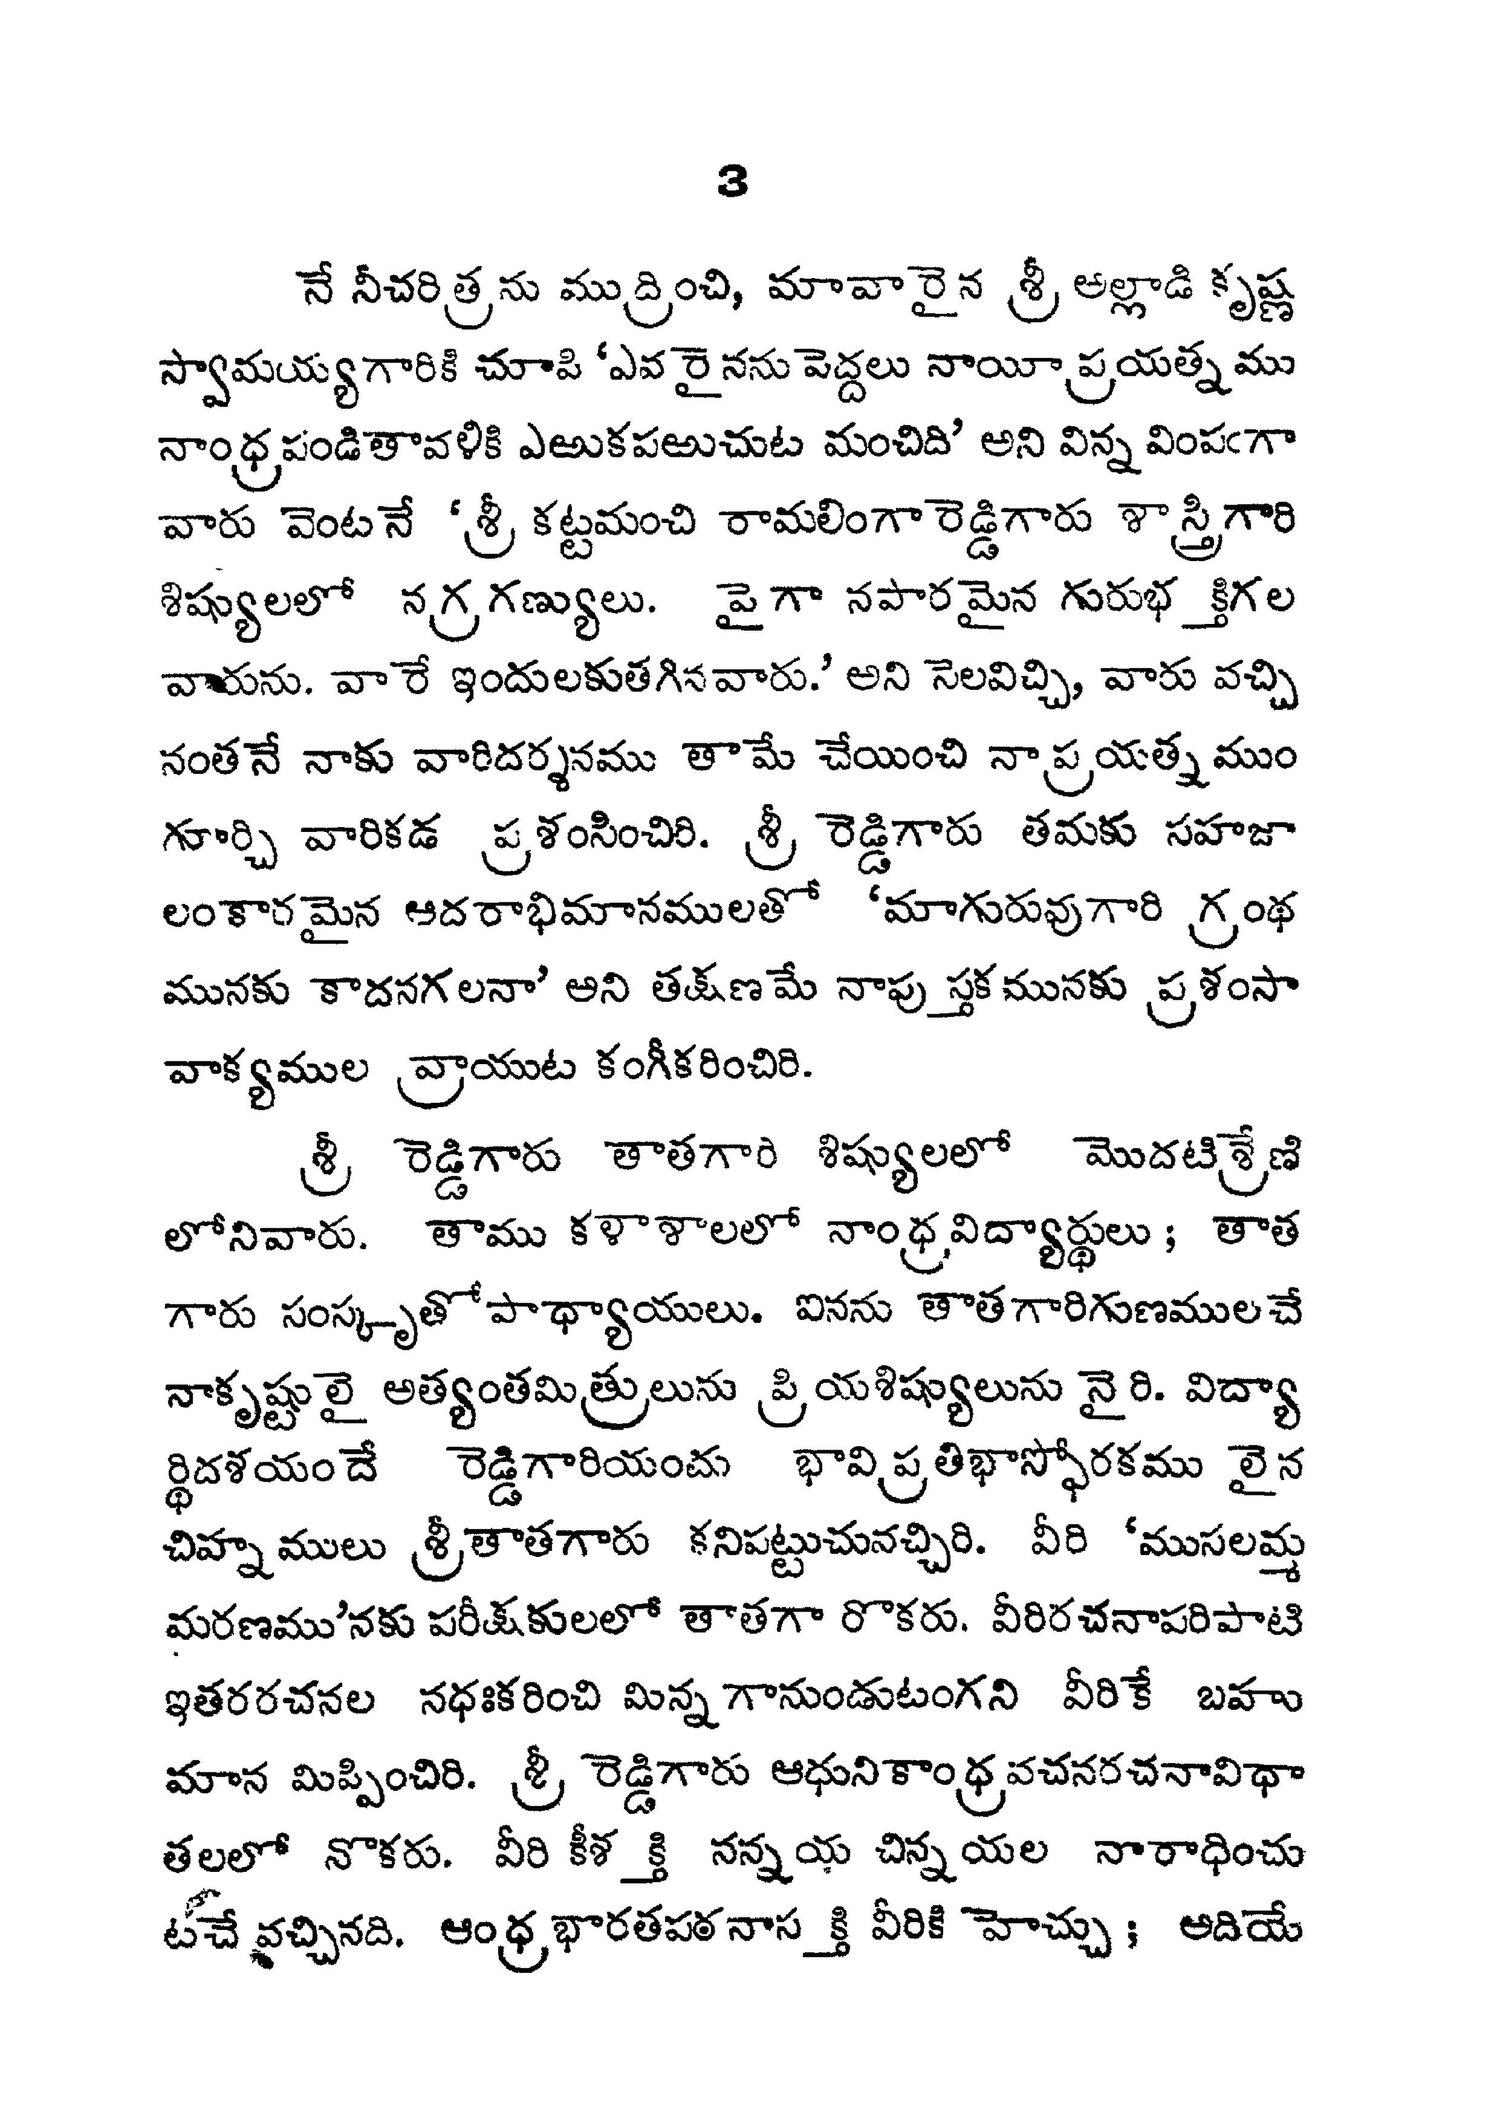నేనీచరిత్రను ముద్రించి, మావారైన శ్రీఅల్లాడి కృష్ణస్వామయ్యగారికి చూపి 'ఎవరైననుపెద్దలు నాయీప్రయత్నము నాంధ్రపండితావళికి ఎఱుకపఱుచుట మంచిది' అని విన్నవింపగా వారు వెంటనే 'శ్రీకట్టమంచి రామలింగారెడ్డిగారు శాస్త్రిగారి శిష్యులలో నగ్రగణ్యులు. పైగా నపారమైన గురుభక్తిగలవారును. వారే ఇందులకుతగినవారు.' అని సెలవిచ్చి, వారు వచ్చినంతనే నాకు వారిదర్శనము తామే చేయించి నాప్రయత్నముం గూర్చి వారికడ ప్రశంసించిరి. శ్రీ రెడ్డిగారు తమకు సహజాలంకారమైన ఆదరాభిమానములతో 'మాగురువుగారి గ్రంథమునకు కాదనగలనా' అని తక్షణమే నాపుస్తకమునకు ప్రశంసావాక్యముల వ్రాయుట కంగీకరించిరి.

శ్రీ రెడ్డిగారు తాతాగారి శిష్యులలో మొదటిశ్రేణిలోనివారు. తాము కళాశాలలో నాంధ్రవిద్యార్థులు; తాతగారు సంస్కృతోపాథ్యాయులు. ఐనను తాతగారిగుణములచే నాకృష్టులై అత్యంతమిత్రులును ప్రియశిష్యులును నైరి. విద్యార్థిదశయందే రెడ్డిగారియందు భావిప్రతిభాస్ఫోరకము లైన చిహ్నములు శ్రీతాతగారు కనిపట్టుచువచ్చిరి. వీరి 'ముసలమ్మ మరణము'నకు పరీక్షకులలో తాతగా రొకరు. వీరిరచనాపరిపాటి ఇతరరచనల నధ:కరించి మిన్నగానుండుటంగని వీరికే బహుమాన మిప్పించిరి. శ్రీ రెడ్డిగారు ఆధునికాంధ్రవచనరచనావిథాతలలో నొకరు. వీరి కీశక్తి నన్నయ చిన్నయల నారాధించుటచే వచ్చినది. ఆంధ్రభారతపఠనాసక్తి వీరికి హెచ్చు; అదియే